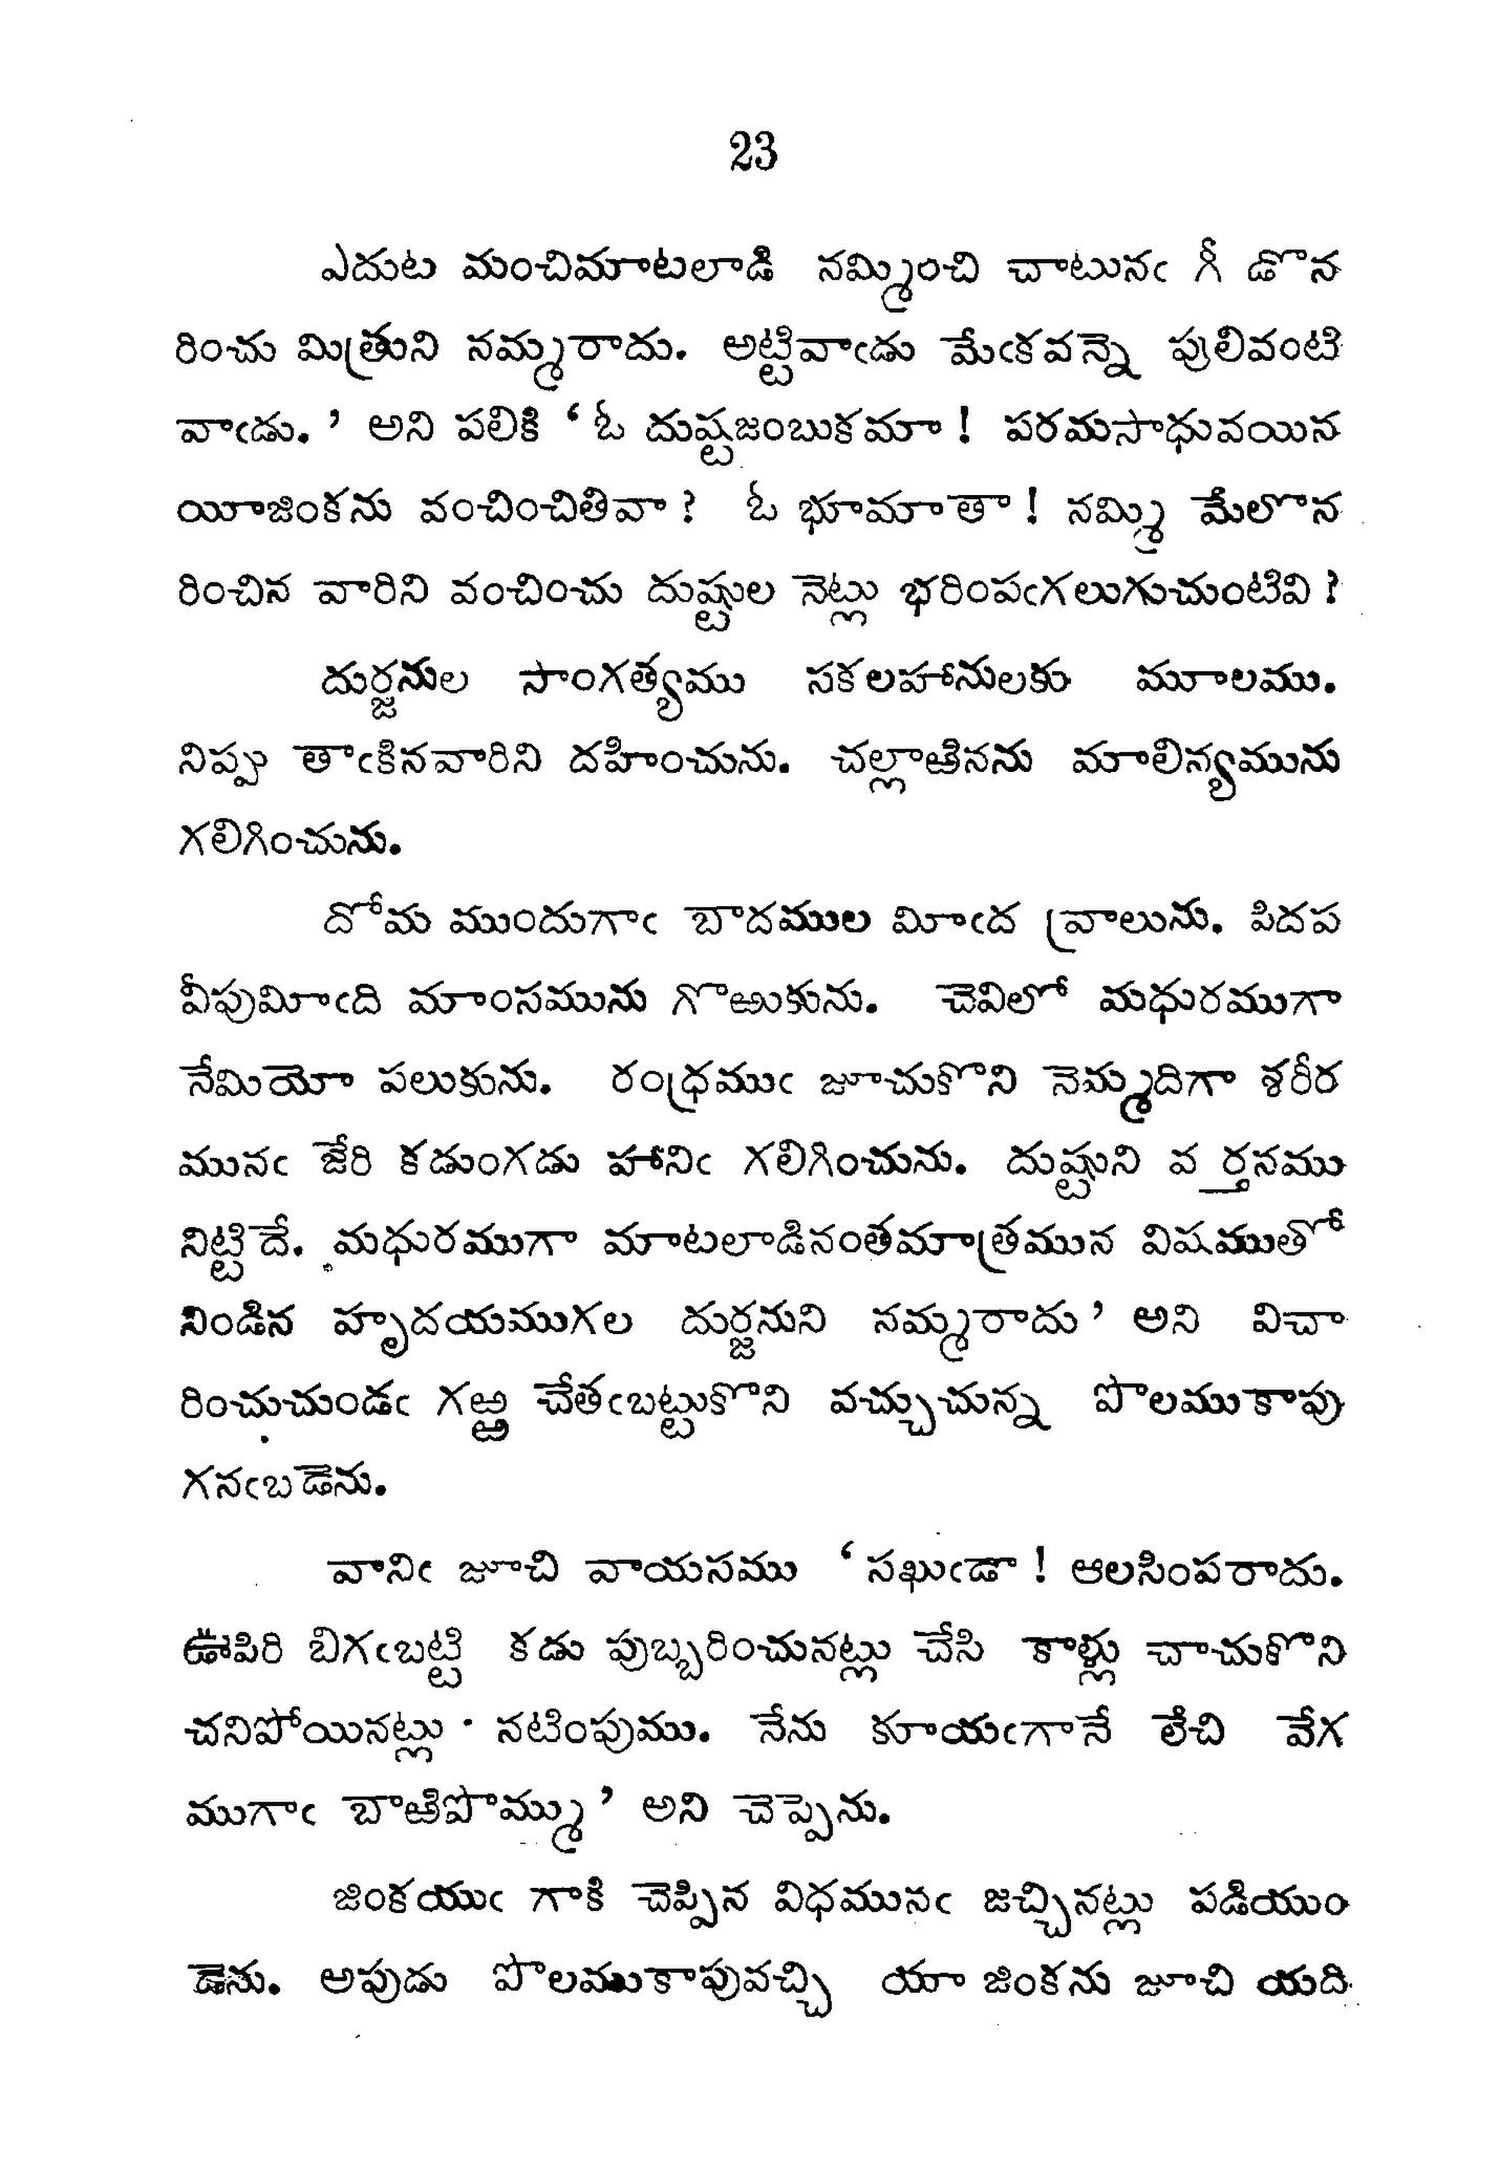ఎదుట మంచిమాటలాడి నమ్మించి చాటున గీ డొనరించు మిత్రుని నమ్మరాదు. అట్టివాడు మేకవన్నె పులివంటివాడు." అని పలికి "ఓ దుష్టజంబుకమా! పరమసాధువయిన యీజింకను వంచించితివా? ఓ భూమాతా! నమ్మి మేలొనరించిన వారిని వంచించు దుష్టుల నెట్లు భరింపగలుగుచుంటివి?

దుర్జనుల సాంగత్యము సకలహానులకు మూలము. నిప్పు తాకినవారిని దహించును. చల్లాఱినను మాలిన్యమును గలిగించును.

దోమ ముందుగా బాదముల మీద వ్రాలును. పిదప వీపుమీది మాంసమును గొఱుకును. చెవిలో మధురముగా నేమియో పలుకును. రంధ్రము జూచుకొని నెమ్మదిగా శరీరమున జేరి కడుంగడు హాని గలిగించును. దుష్టుని వర్తనము నిట్టిదే. మధురముగా మాటలాడినంతమాత్రమున విషముతో నిండిన హృదయముగల దుర్జనుని నమ్మరాదు" అని విచారించుచుండ గఱ్ఱ చేత బట్టుకొని వచ్చుచున్న పొలముకాపు గనబడెను.

వాని జూచి వాయసము "సఖుడా! ఆలసింపరాదు. ఊపిరి బిగబట్టి కడు పుబ్బరించునట్లు చేసి కాళ్లు చాచుకొని చనిపోయినట్లు నటింపుము. నేను కూయగానే లేచి వేగముగా బాఱిపొమ్ము" అనిచెప్పెను.

జింకయు గాకి చెప్పిన విధమున జచ్చినట్లు పడియుండెను. అపుడు పొలముకాపువచ్చి యా జింకను జూచి యది